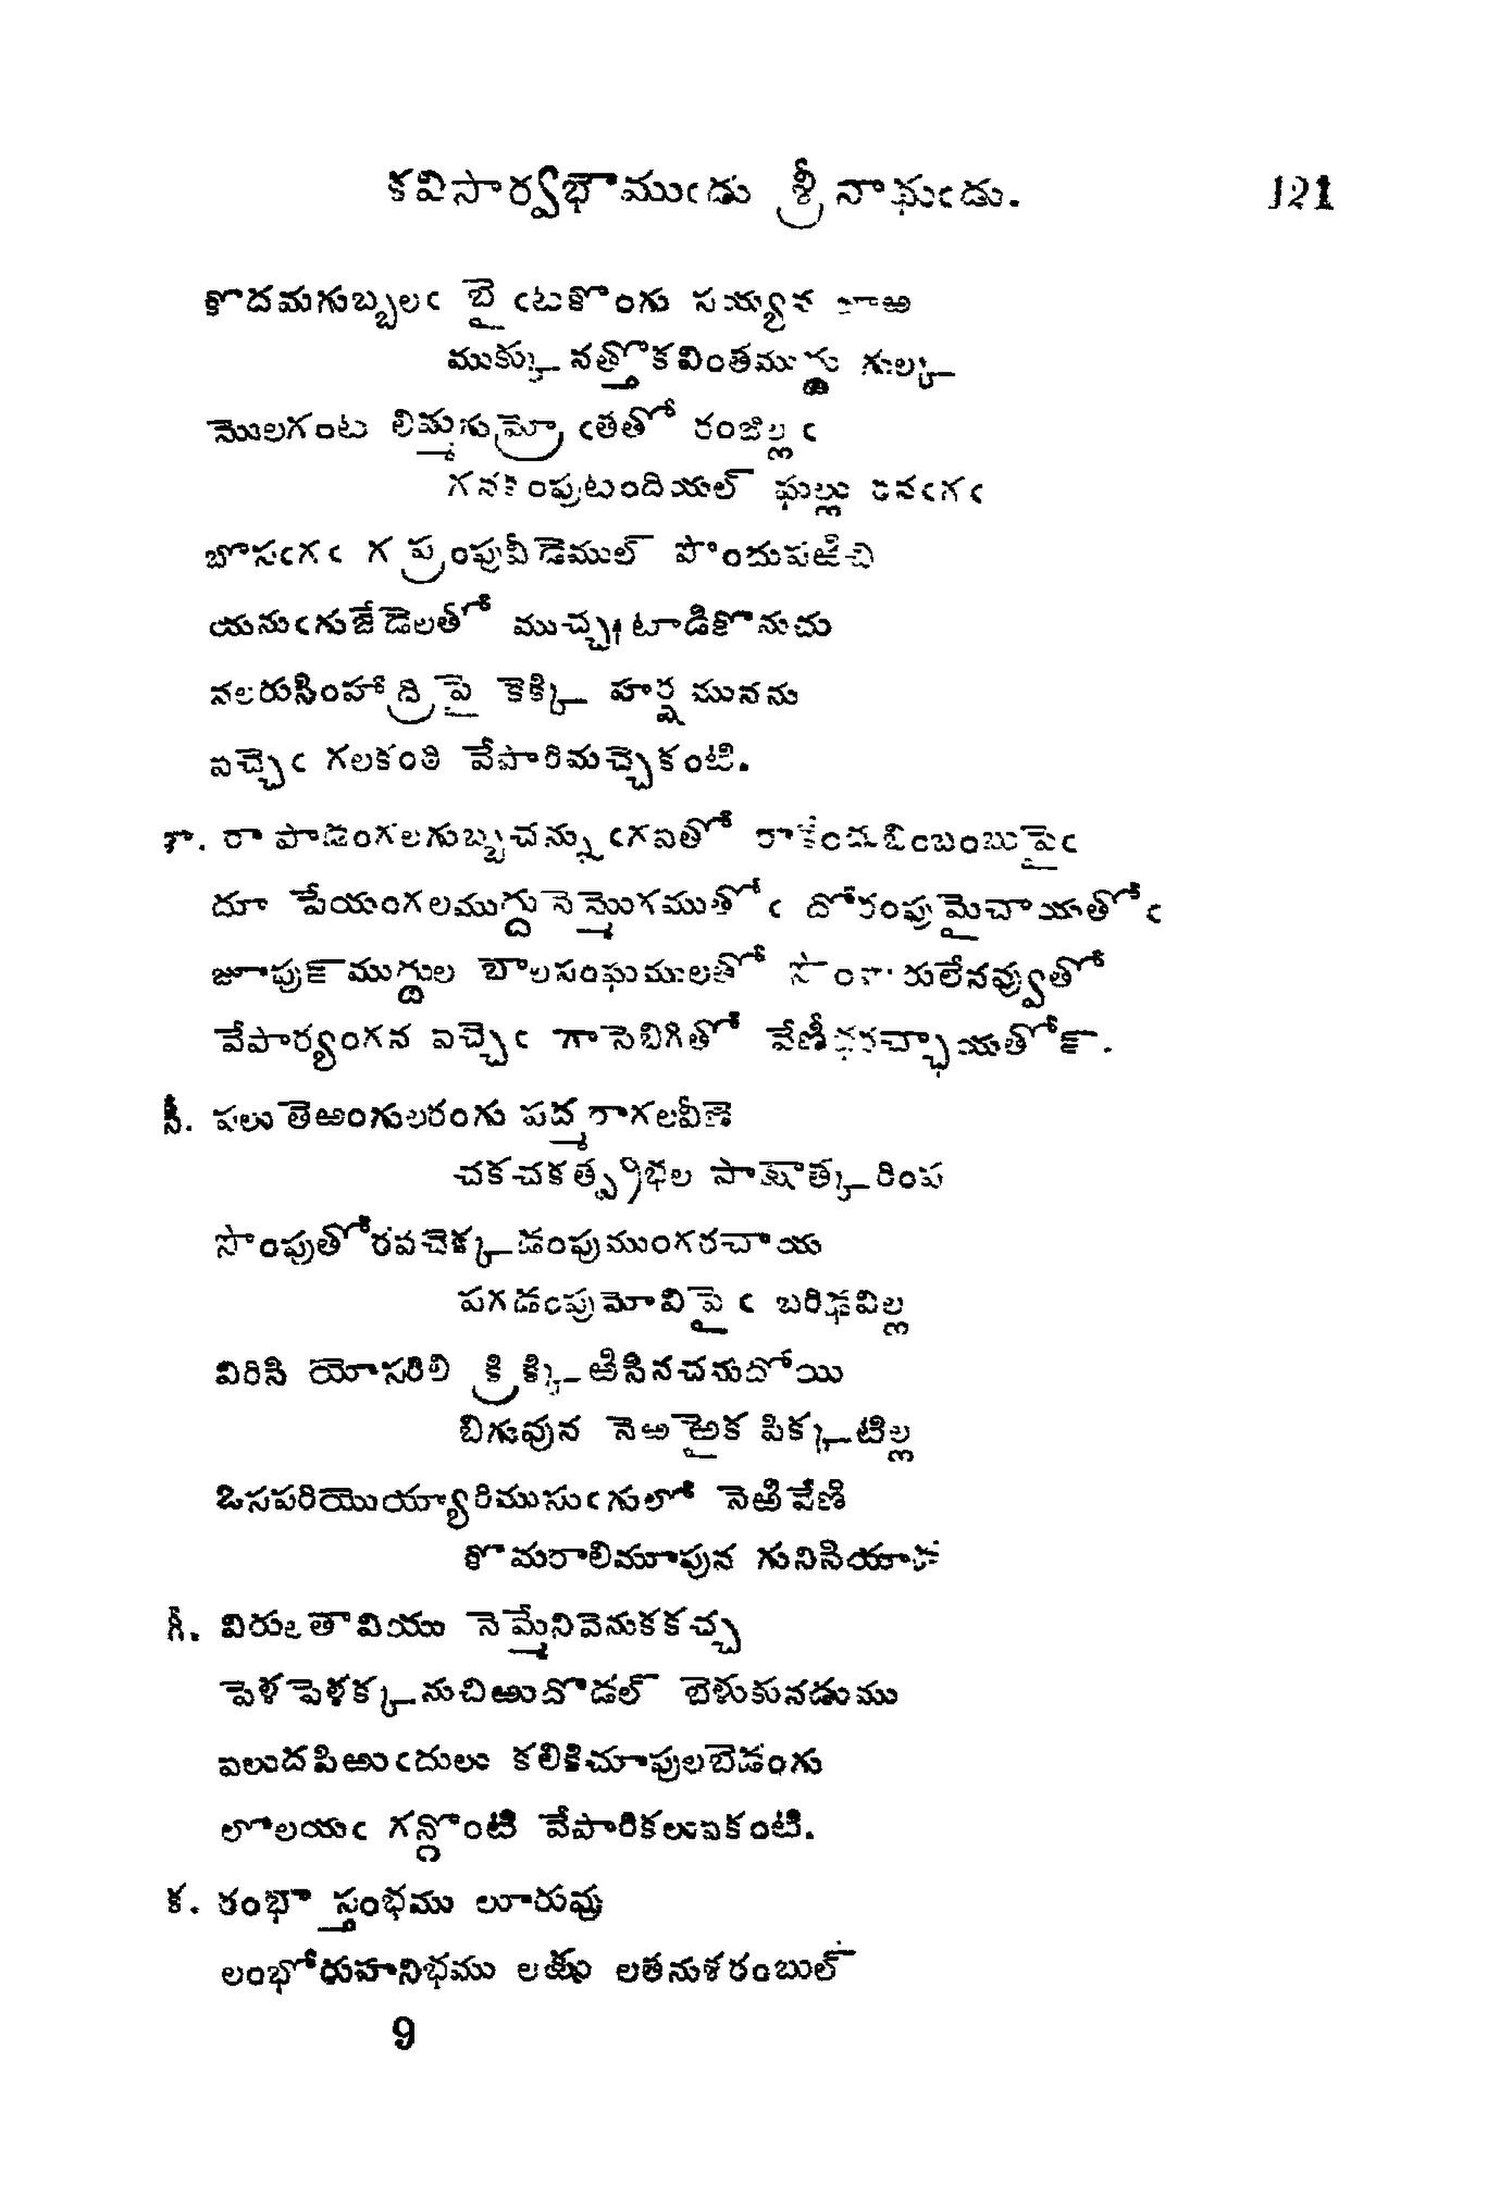కొదమగుబ్బలఁ బైఁటకొంగు సయ్యన జాఱ
 ముక్కున త్తొకవింతముద్దుఁ గుల్క
 మొలగంట లిమ్మగుమ్రోతఁతో రంజిల్ల
 గనకంపుటందియల్ ఘల్లు రనఁగఁ
తే. బొసఁగఁ గప్రంపువీడెముల్ పొందుపఱిచి
 యనుఁగుఁజేడెలతో ముచ్చ టాడికొనుచు
 నలరుసింహాద్రిపై కెక్కి హర్షమునను
 వచ్చెఁ గలకంఠి వేపారిమచ్చెకంటి.
శా. రా పాడంగల గుబ్బచన్నుఁగవతో రాకేందుబింబంబుపైఁ
 దూ పేయంగల ముద్దునెమ్మొగముతోఁ దోరంపుమైచాయతోఁ
 జూపున్ ముద్దుల బాలసంఘములతో సొంపారు లేనవ్వుతో
 వేపార్యంగన వచ్చెఁ గాసెబిగితో వేణీభరచ్ఛాయతోన్.
సీ. పలుతెఱంగులరంగు పద్మరాగలవీణె
 చకచకత్ప్రభల సాక్షాత్కరింప
 సొంపుతో రవచెక్కడంపుముంగరచాయ
 పవడంపుమోవిపైఁ బరిఢవిల్ల
 విరిసి యోసరిలి క్రిక్కిఱిసిన చనుదోయి
 బిగువున నెఱఱైక పిక్కటిల్ల
 ఒసపరి యొయ్యారి ముసుగులో నెఱివేణి
 కొమరాలిమూఁపున గునిసియాడ
తే. విరులతావియు నెమ్మేనివెనుకకచ్చ
 పెళపెళక్కనుచిఱుదొడల్ బెళుకునడుము
 వలుదపిఱుఁదులు కలికిచూపులబెడంగు
 లొలయఁ గన్గొంటి వేపారికలువకంటి.
క. రంభాస్తంభము లూరువు
 లంభోరుహనిభము లక్షు లతనుశరంబుల్